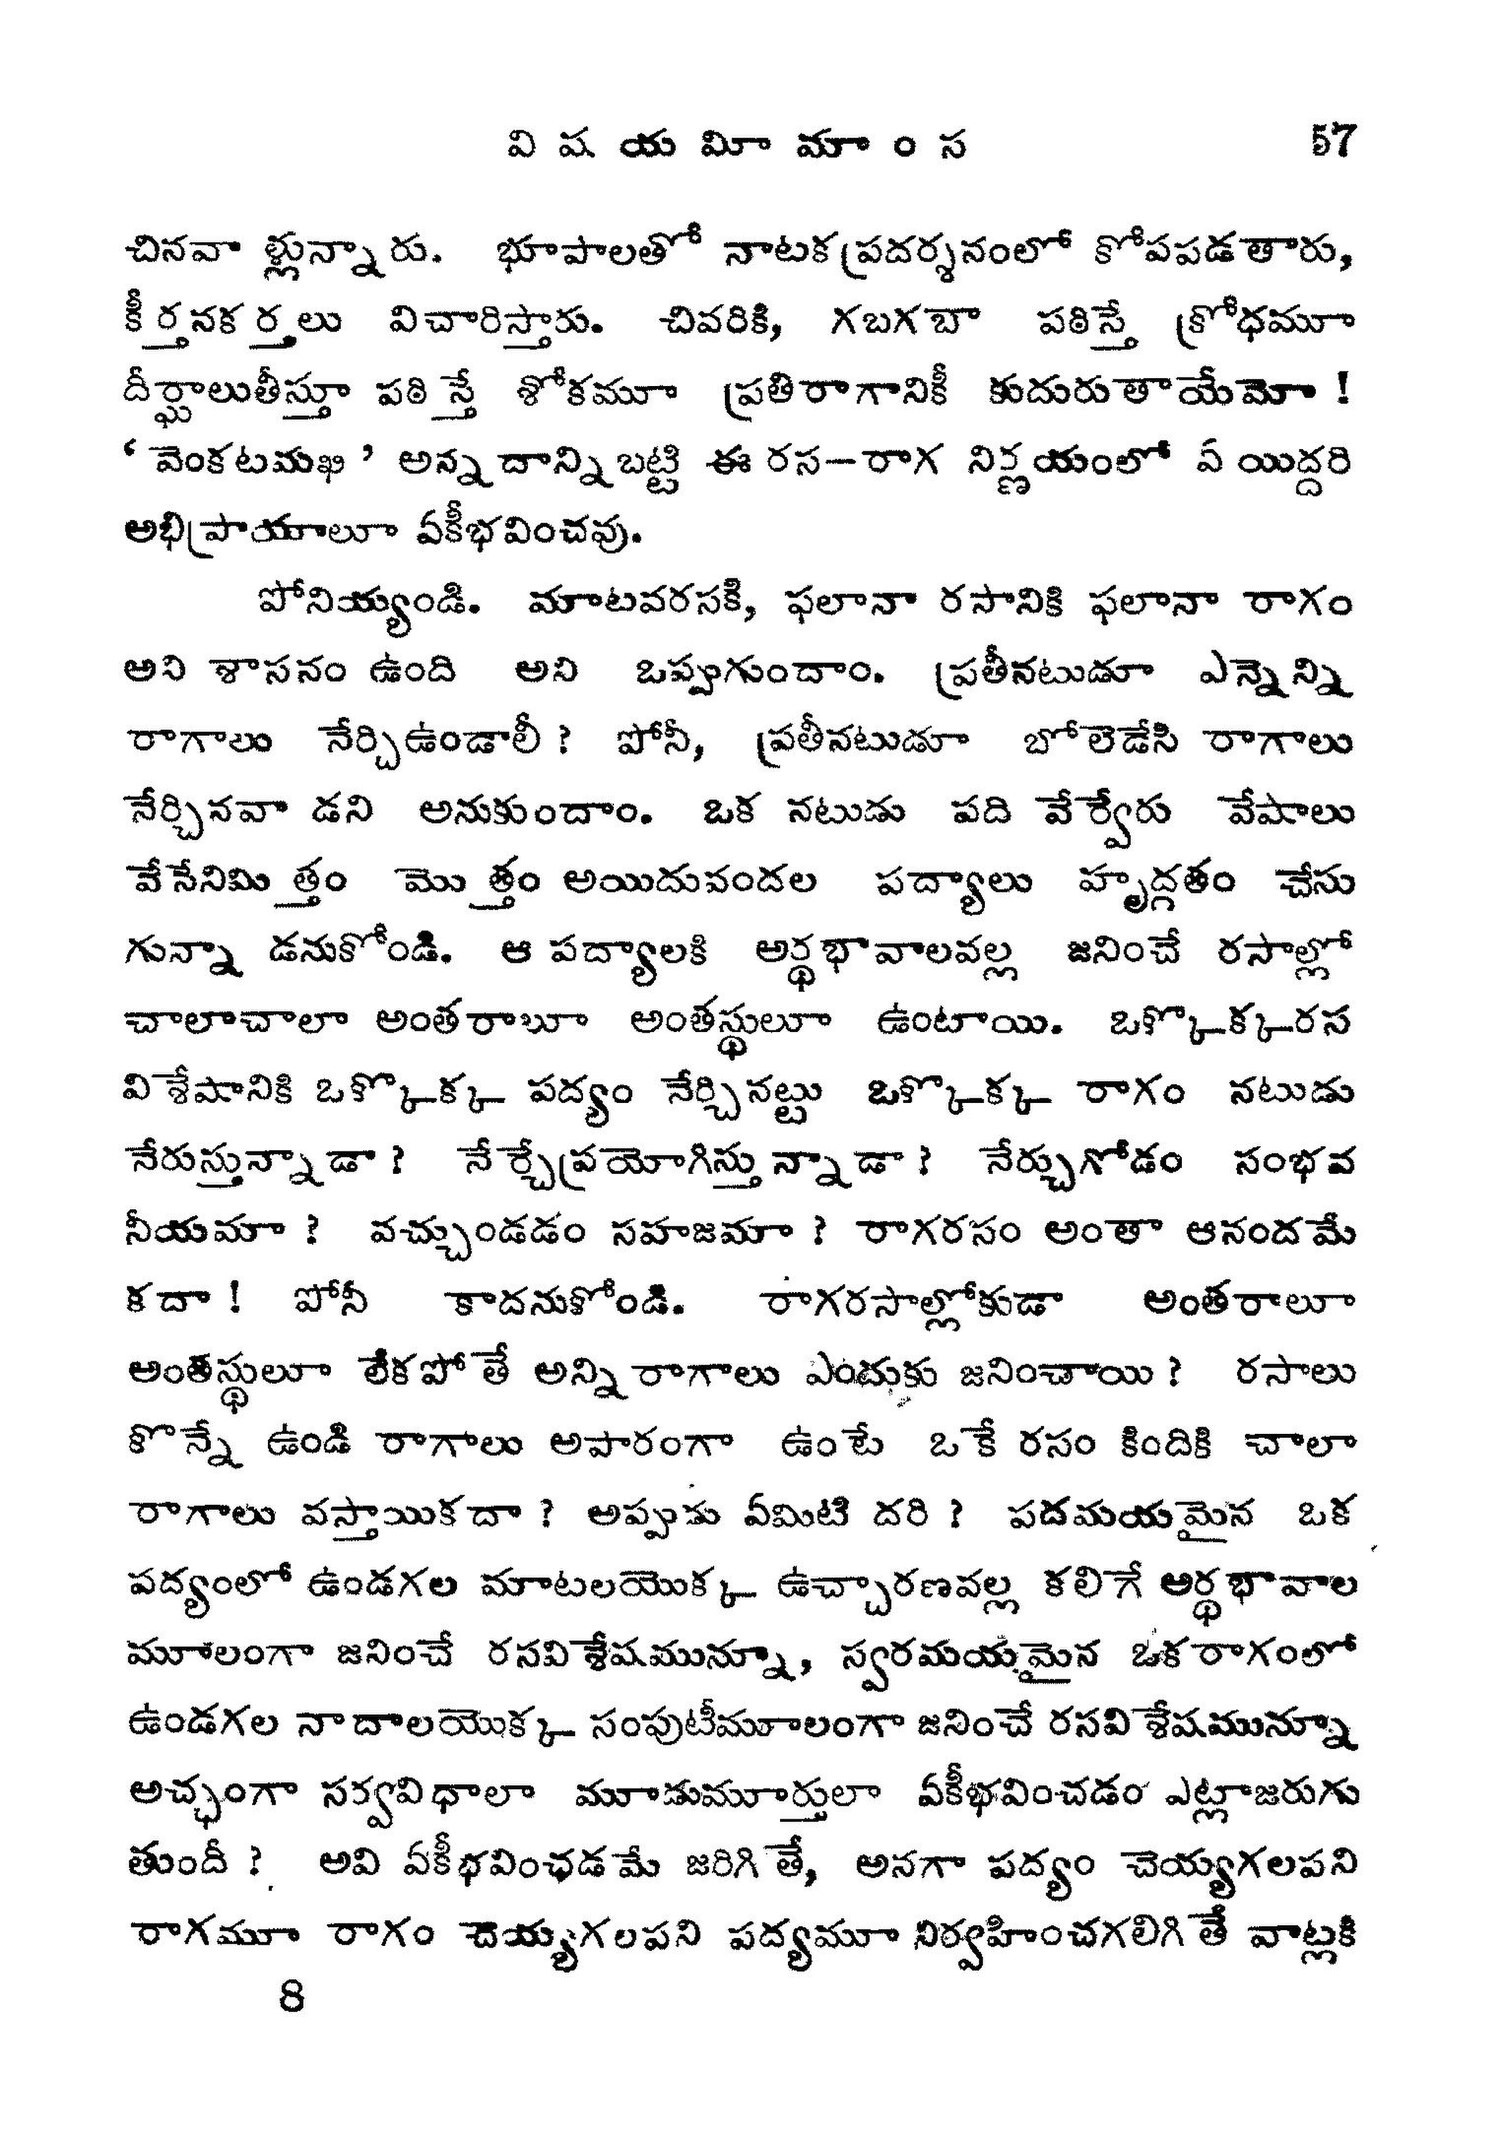చినవా ళ్లున్నారు. భూపాలతో నాటకప్రదర్శనంలో కోపపడతారు,
కీర్తనకర్తలు విచారిస్తారు. చివరికి, గబగబా పఠిస్తే క్రోధమూ
దీర్ఘాలుతీస్తూ పఠిస్తే శోకమూ ప్రతిరాగానికీ కుదురుతాయేమో !
'వెంకటమఖి' అన్నదాన్నిబట్టి ఈ రస - రాగ నిర్ణయంలో ఏ యిద్దరి
అభిప్రాయాలూ ఏకీభవించవు.

పోనియ్యండి. మాటవరసకి, ఫలానా రసానికి ఫలానా రాగం
అని శాసనం ఉంది అని ఒప్పుగుందాం. ప్రతీనటుడూ ఎన్నెన్ని
రాగాలు నేర్చిఉండాలీ? పోనీ, ప్రతీనటుడూ బోలెడేసి రాగాలు
నేర్చినవా డని అనుకుందాం. ఒక నటుడు పది వేర్వేరు వేషాలు
వేసేనిమిత్తం మొత్తం అయిదువందల పద్యాలు హృద్గతం చేసు
గున్నా డనుకోండి. ఆ పద్యాలకి అర్థభావాలవల్ల జనించే రసాల్లో
చాలాచాలా అంతరాలూ అంతస్థులూ ఉంటాయి. ఒక్కొక్కరస
విశేషానికి ఒక్కొక్క పద్యం నేర్చినట్టు ఒక్కొక్క రాగం నటుడు
నేరుస్తున్నాడా ? నేర్చేప్రయోగిస్తున్నాడా ? నేర్చుకోడం సంభవ
నీయమా ! వచ్చుండడం సహజమా? రాగరసం అంతా ఆనందమే
కదా! పోనీ కాదనుకోండి. రాగరసాల్లోకుడా అంతరాలూ
అంతస్థులూ లేకపోతే అన్నిరాగాలు ఎందుకు జనించాయి ? రసాలు
కొన్నే ఉండి రాగాలు అపారంగా ఉంటే ఒకే రసం కిందికి చాలా
రాగాలు వస్తాయికదా ? అప్పుడు ఏమిటి దరి ? పదమయమైన ఒక
పద్యంలో ఉండగల మాటలయొక్క ఉచ్చారణవల్ల కలిగే అర్థభావాల
మూలంగా జనించే రసవిశేషమున్నూ, స్వరమయమైన ఒకరాగంలో
ఉండగల నాదాలయొక్క సంపుటీమూలంగా జనించే రసవిశేషమున్నూ
అచ్చంగా సర్వవిధాలా మూడుమూర్తులా ఏకీభవించడం ఎట్లాజరుగు
తుందీ ? అవి ఏకీభవించడమే జరిగితే, అనగా పద్యం చెయ్యగలపని
రాగమూ రాగం చెయ్యగలపని పద్యమూ నిర్వహించగలిగితే వాట్లకి